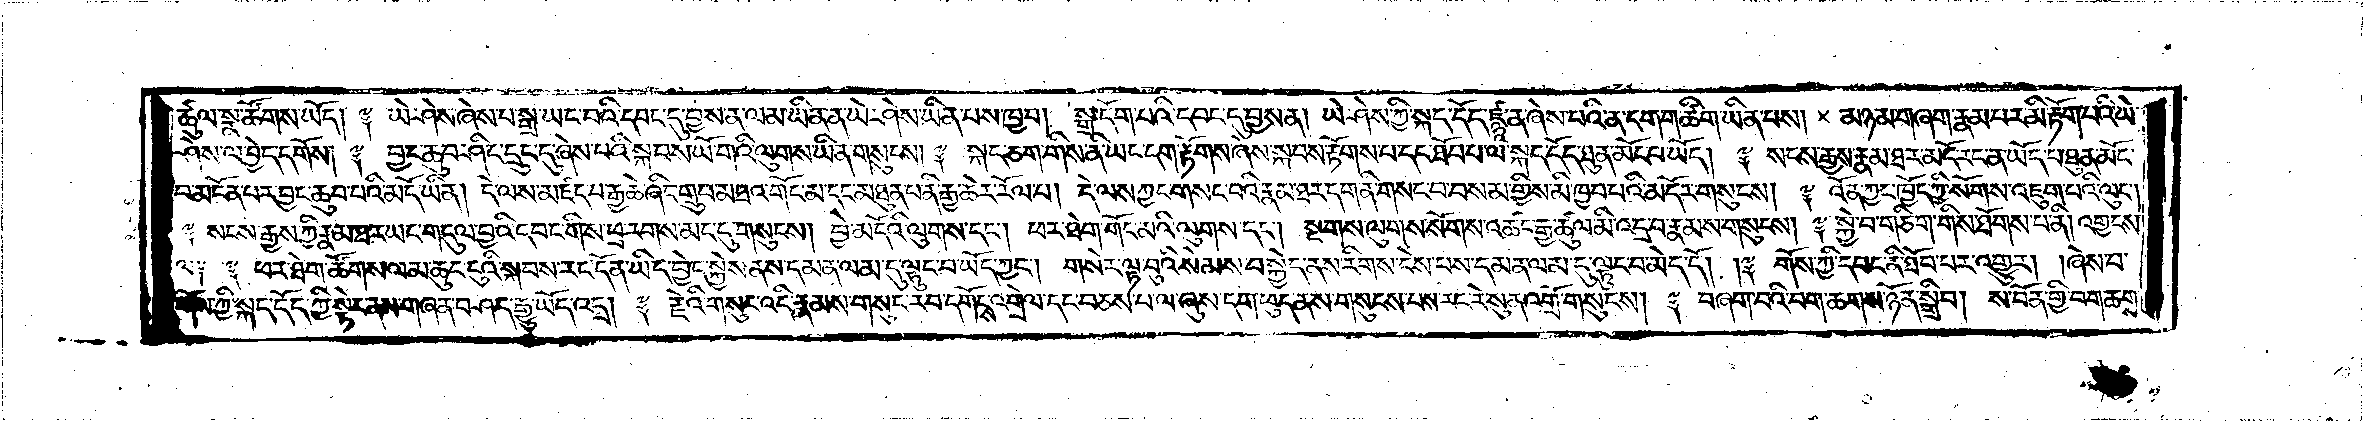ཚུལ་སྣ་ཚོགས་ཡོད། ༈ ཡེ་ཤེས་ཞེས་པ་སྒྲ་ཡང་བའི་དབང་དུ་བྱས་ན་ལམ་ཡིན་ན་ཡེ་ཤེས་ཡིན་པས་ཁྱབ། སྒྲ་དོག་པའི་དབང་དུ་བྱས་ན། ཡེ་ཤེས་ཀྱི་སྐད་དོད་ཛྙ་ན་ཞེས་པའི་ན་དགག་ཚིག་ཡིན་པས། ྾་མཉམ་གཞག་རྣམ་པར་མི་རྟོག་པའི་ཡེ་
ཤེས་ལ་བྱེད་དགོས། ༈ བྱང་ཆུབ་ཤིང་དྲུང་དུ་ཞེས་པའི་སྐབས་ཡོ་གའི་ལུགས་ཡིན་གསུངས། ༈ སྐད་ཅག་གིས་ནི་ཡང་དག་རྟོགས་ཞེས་སྐབས་རྟོགས་པ་དང་ཐོབ་པ་ལ་སྐད་དོད་ཐུན་མོང་པ་ཡོད། ༈ སངས་རྒྱས་རྣམ་ཐར་མདོ་རང་ན་ཡོད་པ་ཐུན་མོང་
བ་མངོན་པར་བྱང་ཆུབ་པའི་མདོ་ཡིན། དེ་ལས་མཛད་པ་རྒྱ་ཆེ་ཞིང་གྲུབ་མཐའ་གོང་མ་དང་མཐུན་པ་ནི་རྒྱ་ཆེར་རོལ་པ། དེ་ལས་ཀྱང་གསང་བའི་རྣམ་ཐར་དག་ནི་གསང་བ་བསམ་གྱིས་མི་ཁྱབ་པའི་མདོར་གསུངས། ༈ འོན་ཀྱང་ཁྱོད་ཀྱི་སོགས་འཇུག་པའི་ལུང་།
༈ སངས་རྒྱས་ཀྱི་རྣམ་ཐར་ཡང་གདུལ་བྱའི་དབང་གིས་ཕྲ་རགས་མང་དུ་གསུངས། བྱེ་མདོའི་ལུགས་དང་། ཕར་ཐེག་གོང་མའི་ལུགས་དང་། སྔགས་ལུགས་སོགས་འཚང་རྒྱ་ཚུལ་མི་འདྲ་བ་རྣམས་གསུངས། ༈ སྐྱེ་བ་གཅིག་གིས་ཐོགས་པ་ནི། འགྱངས་
ལ༑ ༈ ཕར་ཐེག་ཚོགས་ལམ་ཆུང་ངུའི་སྐབས་རང་དོན་ཡིད་བྱེད་སྐྱེས་ནས་དམན་ལམ་དུ་ལྟུང་བ་ཡོད་ཀྱང་། གསེར་ལྟ་བུའི་སེམས་བསྐྱེད་ནས་རིགས་ངེས་པས་དམན་ལམ་དུ་ལྟུང་བ་མེད་དོ། །༈ གོས་ཀྱི་དབང་ནི་ཐོབ་པར་འགྱུར། །ཞེས་པ་
གོས་ཀྱི་སྐད་དོད་ཀྱི་སྟེང་ནས་གཞན་བཤད་རྒྱུ་ཡོད་འདྲ། ༈ རྗེའི་གསུང་འདི་རྣམས་གསུང་རབ་དགོངས་འགྲེལ་དང་བཅས་པ་ལ་ཞུས་དག་ཕུད་ནས་གསུངས་པས་རང་རེ་སུན་འགྲོ་གསུངས། ༈ བཞག་པའི་བག་ཆགས་ཉོན་སྒྲིབ། ས་བོན་གྱི་བག་ཆགས་